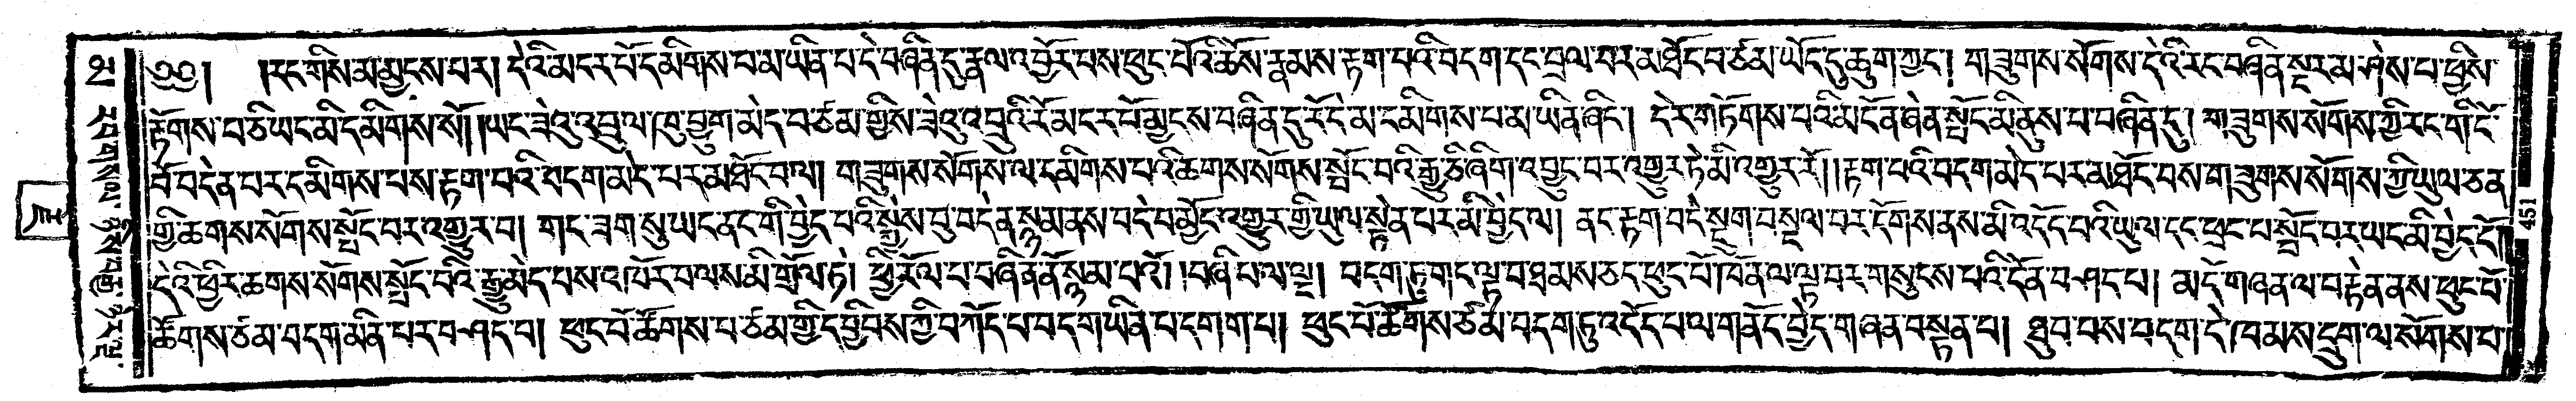༄༅། །རང་གིས་མ་མྱངས་པར། དེའི་མངར་པོ་དམིགས་པ་མ་ཡིན་པ་དེ་བཞིན་དུ་རྣལ་འབྱོར་པས་ཕུང་པོའི་ཆོས་རྣམས་རྟག་པའི་བདག་དང་བྲལ་བར་མཐོང་བ་ཙམ་ཡོད་དུ་ཆུག་ཀྱང་། གཟུགས་སོགས་དེའི་རང་བཞིན་སྔར་མ་ཤེས་པ་ཕྱིས་
རྟོགས་པ་ཅི་ཡང་མི་དམིགས་སོ། །ཡང་ཟེའུ་འབྲུ་ལ་ཁུ་བྱུག་མེད་པ་ཙམ་གྱིས་ཟེའུ་འབྲུའི་རོ་མངར་པོ་མྱངས་བཞིན་དུ་རོ་དེ་མ་དམིགས་པ་མ་ཡིན་ཞིང་། དེར་གཏོགས་པའི་མངོན་ཞེན་སྤོང་མི་ནུས་པ་བཞིན་དུ། གཟུགས་སོགས་ཀྱི་རང་གི་ངོ་
བོ་བདེན་པར་དམིགས་པས་རྟག་པའི་བདག་མེད་པར་མཐོང་བ་ལ། གཟུགས་སོགས་ལ་དམིགས་པའི་ཆགས་སོགས་སྤོང་བའི་རྒྱུ་ཅི་ཞིག་འབྱུང་བར་འགྱུར་ཏེ་མི་འགྱུར་རོ། །རྟག་པའི་བདག་མེད་པར་མཐོང་བས་གཟུགས་སོགས་ཀྱི་ཡུལ་ཅན་
གྱི་ཆགས་སོགས་སྤོང་བར་འགྱུར་བ། གང་ཟག་སུ་ཡང་ནང་གི་བྱེད་པའི་སྐྱེས་བུ་བདེན་སྙམ་ནས་བདེ་བ་མྱོང་འགྱུར་གྱི་ཡུལ་སྟེན་པར་མི་བྱེད་ལ། ནང་རྟག་བདེ་སྡུག་བསྔལ་བར་དོགས་ནས་མི་འདོད་པའི་ཡུལ་དང་ཕྲད་པ་སྤོང་བར་ཡང་མི་བྱེད་དོ།།
དེའི་ཕྱིར་ཆགས་སོགས་སྤོང་བའི་རྒྱུ་མེད་པས་འཁོར་བ་ལས་མི་གྲོལ་ཏེ། ཕྱི་རོལ་པ་བཞིན་ནོ་སྙམ་པའོ། །བཞི་པ་ལ་ལྔ། བདག་ཏུ་གང་ལྟ་བ་ཐམས་ཅད་ཕུང་པོ་ཁོ་ན་ལ་ལྟ་པར་གསུངས་པའི་དོན་བཤད་པ། མདོ་གཞན་ལ་བརྟེན་ནས་ཕུང་པོ་
ཚོགས་ཙམ་བདག་མིན་པར་བཤད་པ། ཕུང་པོ་ཚོགས་པ་ཙམ་གྱི་དབྱིབས་ཀྱི་བཀོད་པ་བདག་ཡིན་པ་དགག་པ། ཕུང་པོ་ཚོགས་ཙམ་བདག་ཏུ་འདོད་པ་ལ་གནོད་བྱེད་གཞན་བསྟན་པ། ཐུབ་པས་བདག་དེ་ཁམས་དྲུག་ལ་སོགས་པ་